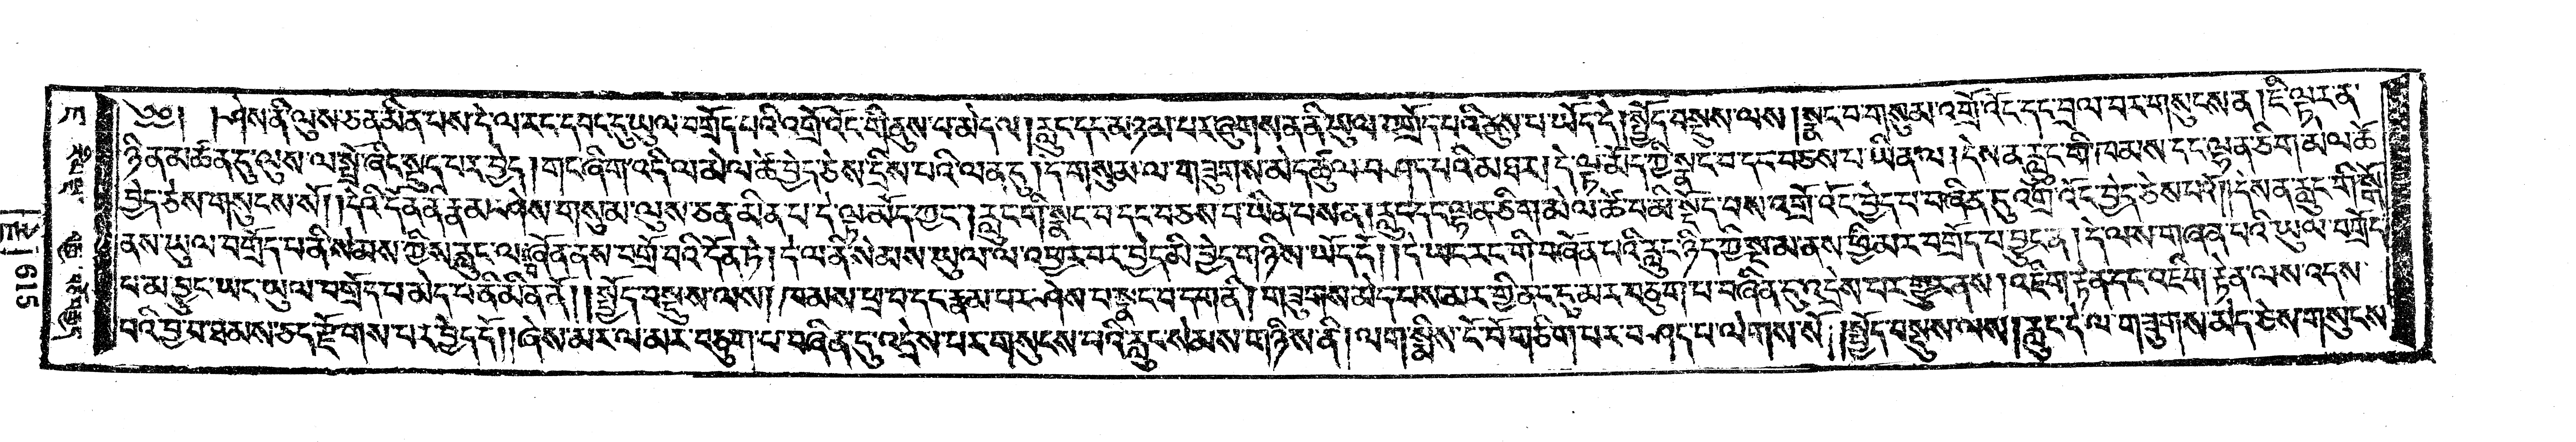༄༅། །ཤེས་ནི་ལུས་ཅན་མིན་པས་དེ་ལ་རང་དབང་དུ་ཡུལ་བགྲོད་པའི་འགྲོ་འོང་གི་ནུས་པ་མེད་ལ། རླུང་དང་མཉམ་པར་ཞུགས་ན་ནི་ཡུལ་བགྲོད་པའི་ནུས་པ་ཡོད་དེ། སྤྱོད་བསྡུས་ལས། སྣང་བ་གསུམ་འགྲོ་འོང་དང་བྲལ་བར་གསུངས་ན། ཇི་ལྟར་ན་
ཉིན་མཚན་དུ་ལུས་ལ་སྤྲོ་ཞིང་སྡུད་པར་བྱེད། གང་ཞིག་འདི་ལ་མེལ་ཚེ་བྱེད་ཅེས་དྲིས་པའི་ལན་དུ། དེ་གསུམ་ལ་གཟུགས་མེད་ཚུལ་བཤད་པའི་མཐར། དེ་ལྟ་མོད་ཀྱི་སྣང་བ་དང་བཅས་པ་ཡིན་ལ། དེས་ན་རླུང་གི་ཁམས་དང་ལྷན་ཅིག་མེལ་ཚེ་
བྱེད་ཅེས་གསུངས་སོ། །དེའི་དོན་ནི་རྣམ་ཤེས་གསུམ་ལུས་ཅན་མིན་པ་དེ་ལྟ་མོད་ཀྱང་། རླུང་གི་སྣང་བ་དང་བཅས་པ་ཡིན་པས་ན། རླུང་དང་ལྷན་ཅིག་མེལ་ཚེ་བ་མི་སྡོད་པས་འགྲོ་འོང་བྱེད་པ་བཞིན་དུ་འགྲོ་འོང་བྱེད་ཅེས་པའོ། །དེས་ན་རླུང་གི་སྒོ་
ནས་ཡུལ་བགྲོད་པ་ནི་སེམས་ཀྱིས་རླུང་ལ་བཞོན་ནས་བགྲོ་བའི་དོན་ཏེ། དེ་ལ་ནི་སེམས་ཡུལ་ལ་འཕྱར་བར་བྱེད་མི་བྱེད་གཉིས་ཡོད་དོ། །དེ་ཡང་རང་གི་བཞོན་པའི་རླུང་ཉིད་ཀྱི་སྔ་མ་ནས་ཕྱི་མར་བགྲོད་པ་བྱུང་ན། དེ་ལས་གཞན་པའི་ཡུལ་བགྲོད་
པ་མ་བྱུང་ཡང་ཡུལ་བགྲོད་པ་མེད་པ་ནི་མིན་ནོ། །སྤྱོད་བསྡུས་ལས། ཁམས་ཕྲ་བ་དང་རྣམ་པར་ཤེས་པ་སྣང་བ་དག་ནི། གཟུགས་མེད་པས་མར་གྱི་ནང་དུ་མར་བཅུག་པ་བཞིན་དུ་འདྲེས་པར་གྱུར་ནས། འཇིག་རྟེན་དང་འཇིག་རྟེན་ལས་འདས་
པའི་བྱ་བ་ཐམས་ཅད་རྫོགས་པར་བྱེད་དོ། །ཞེས་མར་ལ་མར་བཅུག་པ་བཞིན་དུ་འདྲེས་པར་གསུངས་པའི་རླུང་སེམས་གཉིས་ནི། ལག་སྨིས་ངོ་བོ་གཅིག་པར་བཤད་པ་ལེགས་སོ། །སྤྱོད་བསྡུས་ལས། རླུང་དེ་ལ་གཟུགས་མེད་ཅེས་གསུངས་